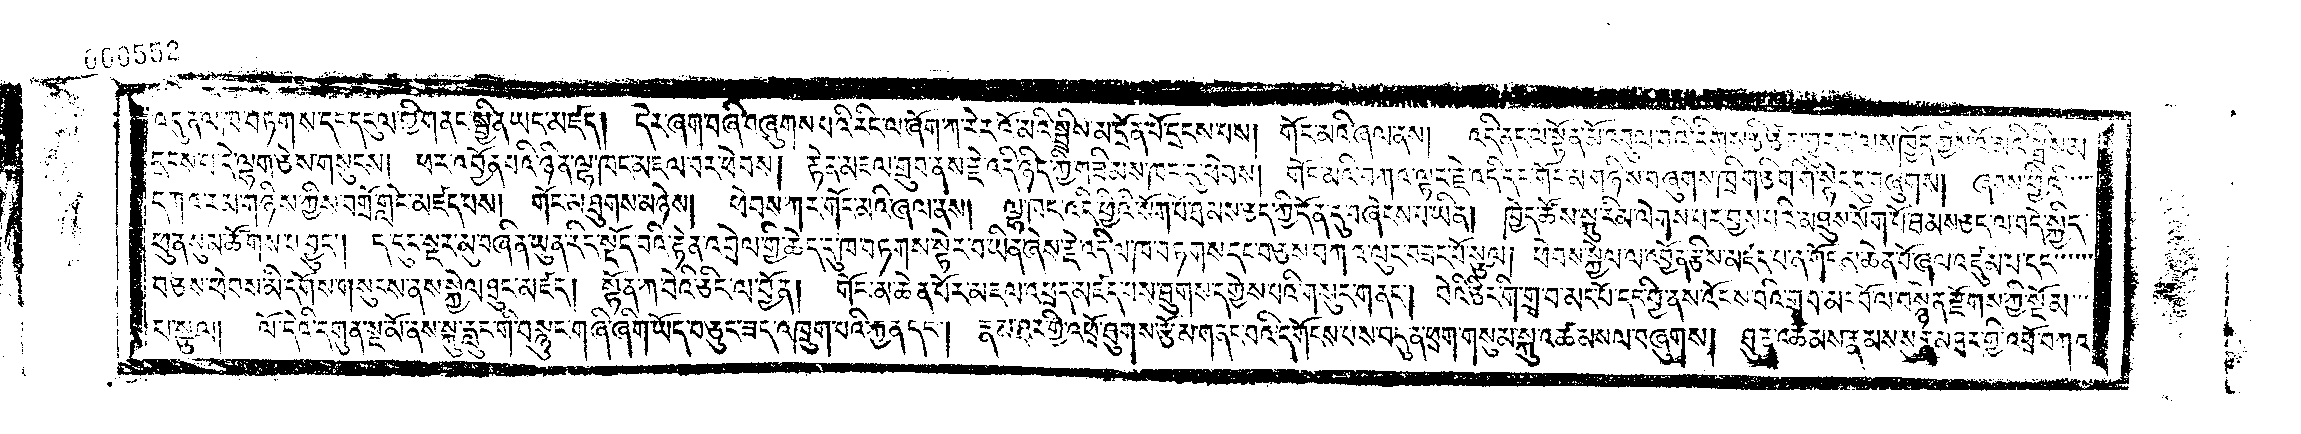འདུན་ལ་ཁ་བཏགས་དང་དངུལ་གྱི་གནང་སྦྱིན་ཡང་མཛད། དེར་ཞག་བཞི་བཞུགས་པའི་རིང་ལ་ཞོག་ཀ་རེར་འོ་མའི་སྦྲིས་མ་དྲོན་པོ་དྲངས་པས། གོང་མའི་ཞལ་ནས། འདི་ནང་ལ་སྟོན་མོ་འབུལ་བའི་རིགས་ཅི་ཙམ་བྱུང་བ་ལས་ཁྱོད་ཀྱིས་འོ་མའི་སྦྲིས་མ་
དྲངས་པ་དེ་ལྷག་ཅེས་གསུངས། ཕར་འབྱོན་པའི་ཉིན་ལྷ་ཁང་མཇལ་བར་ཕེབས། རྟེན་མཇལ་གྲུབ་ནས་རྗེ་འདི་ཉིད་ཀྱི་གཟིམས་ཁང་དུ་ཕེབས། གོང་མའི་བཀའ་ལྟར་རྗེ་འདི་དང་གོང་མ་གཉིས་བཞུགས་ཁྲི་གཅིག་གི་སྟེང་དུ་བཞུགས། ཞབས་ཕྱིའི་
དཀའ་རམ་གཉིས་ཀྱིས་བགྲོ་གླེང་མཛད་པས། གོང་མ་ཐུགས་མཉེས། ཕེབས་ཀར་གོང་མའི་ཞལ་ནས། ལྷ་ཁང་འདི་ཕྱིའི་སོགས་པོ་ཐམས་ཅད་ཀྱི་དོན་དུ་བཞེངས་པ་ཡིན། ཁྱེད་ཚོས་སྐུ་རིམ་ལེགས་པར་བྱས་པའི་མཐུས་སོག་བོ་ཐམས་ཅད་ལ་བདེ་སྐྱིད་
ཕུན་སུམ་ཚོགས་པ་བྱུང་། ད་དུང་སྔར་མུ་བཞིན་ཡུན་རིང་སྡོད་པའི་རྟེན་འབྲེལ་གྱི་ཆེད་དུ་ཁ་བཏགས་སྟེར་བ་ཡིན་ཞེས་རྗེ་འདི་ལ་ཁ་བཏགས་དང་བཅས་བཀའ་ལུང་བཟང་པོ་སྩལ། ཕེབས་སྐྱལ་ལ་འབྱོན་རྩིས་མཛད་པ་ན་གོང་མ་ཆེན་པོ་ཞལ་འཛུམ་པ་དང་
བཅས་ཕེབས་མི་དགོས་གསུངས་ནས་སྐྱེལ་ཐུང་མཛད། སྟོན་ཀ་བེའི་ཅིང་ལ་བྱོན། གོང་མ་ཆེན་པོར་མཇལ་འཕྲད་མཛད་པས་ཐུགས་དགྱེས་པའི་གསུང་གནང་། པེའི་ཅིང་གི་གྲྭ་བ་མང་པོ་དང་ཕྱི་ནས་འོངས་པའི་གྲྭ་བ་མང་པོ་ལ་བསྙེན་རྫོགས་ཀྱི་སྔོམ་
བ་སྩལ། ལོ་དེའི་དགུན་སྔ་མོ་ནས་སྐུ་རླུང་གི་བསྙུད་གཞི་ཞིག་ཡོད་པ་ཅུང་ཟད་འཁྲུག་པའི་རྐྱེན་དང་། རྣམ་ཐར་གྱི་འཕྲོ་ཐུགས་རྩོམ་གནང་བའི་དགོངས་པས་བདུན་ཕྲག་གསུམ་སྐུ་འཚམས་ལ་བཞུགས། ཐུན་འཚམས་རྣམས་སུ་རྣམ་ཐར་གྱི་འཕྲོ་བཀའ་